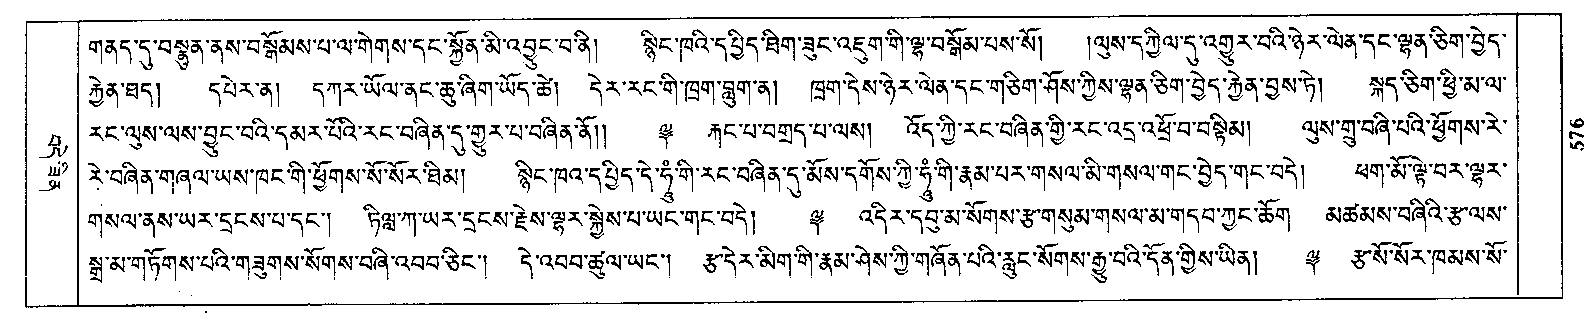གནད་དུ་བསྣུན་ནས་བསྒོམས་པ་ལ་གེགས་དང་སྐྱོན་མི་འབྱུང་བ་ནི། སྙིང་ཁའི་དཔྱིད་ཐིག་ཟུང་འཇུག་གི་ལྷ་བསྒོམ་པས་སོ། །ལུས་དཀྱིལ་དུ་འགྱུར་བའི་ཉེར་ལེན་དང་ལྷན་ཅིག་བྱེད་
རྐྱེན་ཐད། དཔེར་ན། དཀར་ཡོལ་ནང་ཆུ་ཞིག་ཡོད་ཚེ། དེར་རང་གི་ཁྲག་བླུག་ན། ཁྲག་དེས་ཉེར་ལེན་དང་གཅིག་ཤོས་ཀྱིས་ལྷན་ཅིག་བྱེད་རྐྱེན་བྱས་ཏེ། སྐད་ཅིག་ཕྱི་མ་ལ་
རང་ལུས་ལས་བྱུང་བའི་དམར་པོའི་རང་བཞིན་དུ་གྱུར་པ་བཞིན་ནོ།། ༈ རྐང་པ་བགྲད་པ་ལས། འོད་ཀྱི་རང་བཞིན་གྱི་རང་འདྲ་འཕྲོ་བ་བསྟིམ། ལུས་གྲུ་བཞི་པའི་ཕྱོགས་རེ་
རེ་བཞིན་གཞལ་ཡས་ཁང་གི་ཕྱོགས་སོ་སོར་ཐིམ། སྙིང་ཁའ་དཔྱིད་དེ་ཧཱུཾ་གི་རང་བཞིན་དུ་མོས་དགོས་ཀྱི་ཧཱུཾ་གི་རྣམ་པར་གསལ་མི་གསལ་གང་བྱེད་གང་བདེ། ཕག་མོ་ལྟེ་བར་ལྷར་
གསལ་ནས་ཡར་དྲངས་པ་དང་། ཏིལླ་ཀ་ཡར་དྲངས་རྗེས་ལྷར་སྐྱེས་པ་ཡང་གང་བདེ། ༈ འདིར་དབུ་མ་སོགས་རྩ་གསུམ་གསལ་མ་གདབ་ཀྱང་ཆོག་མཚམས་བཞིའི་རྩ་ལས་
སྒྲ་མ་གཏོགས་པའི་གཟུགས་སོགས་བཞི་འབབ་ཅིང་། དེ་འབབ་ཚུལ་ཡང་། རྩ་དེར་མིག་གི་རྣམ་ཤེས་ཀྱི་གཞོན་པའི་རླུང་སོགས་རྒྱུ་བའི་དོན་གྱིས་ཡིན། ༈ རྩ་སོ་སོར་ཁམས་སོ་